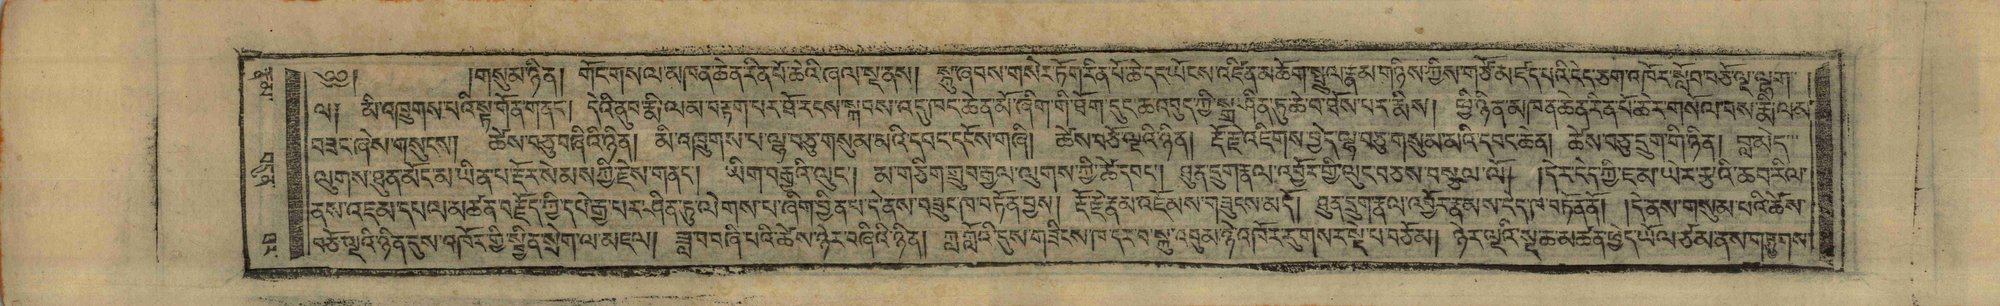༄༅། །གསུམ་ཉིན། གོང་གསལ་མཁན་ཆེན་རིན་པོ་ཆེའི་ཞལ་སྔ་ནས། སྐུ་ཞབས་གསེར་ཏོག་རིན་པོ་ཆེ་དང་ཡོངས་འཛིན་མཆོག་སྤྲུལ་རྣམ་གཉིས་ཀྱིས་གཙོ་མཛད་པའི་ངེད་ཅག་འཁོར་སློབ་བཅོ་ལྔ་ལྷག་
ལ༑ མི་འཁྲུགས་པའི་སྟ་གོན་གནང་། དེའི་ནུབ་རྨི་ལམ་བརྟག་པར་ཐོ་རངས་སྐབས་འདུ་ཁང་ཆེན་མོ་ཞིག་གི་ཐོག་དུང་ཆ་འབུད་ཀྱི་སྒྲ་ཤིན་ཏུ་ཆེ་བ་ཐོས་པར་རྨིས། ཕྱི་ཉིན་མཁན་ཆེན་རིན་པོ་ཆེར་གསོལ་བས་རྨི་ལམ་
བཟང་ཞེས་གསུངས། ཚེས་བཅུ་བཞིའི་ཉིན། མི་འཁྲུགས་པ་ལྷ་བཅུ་གསུམ་མའི་དབང་དངོས་གཞི། ཚེས་བཅོ་ལྔའི་ཉིན། རྡོ་རྗེ་འཇིགས་བྱེད་ལྷ་བཅུ་གསུམ་མའི་དབང་ཆེན། ཚེས་བཅུ་དྲུག་གི་ཉིན། བླ་མེད་
ལུགས་ཐུན་མོང་མ་ཡིན་པ་རྡོར་སེམས་ཀྱི་རྗེས་གནང་། ཡིག་བརྒྱའི་ལུང་། མ་གཅིག་གྲུབ་རྒྱལ་ལུགས་ཀྱི་ཚེ་དབང་། ཐུན་དྲུག་རྣལ་འབྱོར་གྱི་ལུང་བཅས་བསྩལ་ལོ། །དེར་ངེད་ཀྱི་ཇ་མ་ཡེར་རྩའི་ཆབ་རིལ་
ནས་འཇམ་དཔལ་མཚན་བརྗོད་ཀྱི་དཔེ་རྒྱ་པར་ཤིན་ཏུ་ལེགས་པ་ཞིག་བྱིན་པ་དེ་ནས་བཟུང་ཁ་བཏོན་བྱས། རྡོ་རྗེ་རྣམ་འཇོམས་གཟུངས་མདོ། ཐུན་དྲུག་རྣལ་འབྱོར་རྣམས་ངེད་ཁ་བཏོན་ནོ། །དེ་ནས་གསུམ་པའི་ཚེས་
བཅོ་ལྔའི་ཉིན་དུས་འཁོར་གྱི་སྦྱིན་སྲེག་ལ་མཇལ། ཟླ་བ་བཞི་པའི་ཚེས་ཉེར་བཞིའི་ཉིན། ཀླ་ཀློའི་དུས་གཟིངས་ཁ་དར་བ་སྐུ་འབུམ་ཉེ་འཁོར་རུ་གསར་སྡེ་པ་བཅོམ། ཉེར་ལྔའི་སྔ་ཆ་མཚན་ཕྱེད་ཡོལ་ཙམ་ནས་གཏུགས་